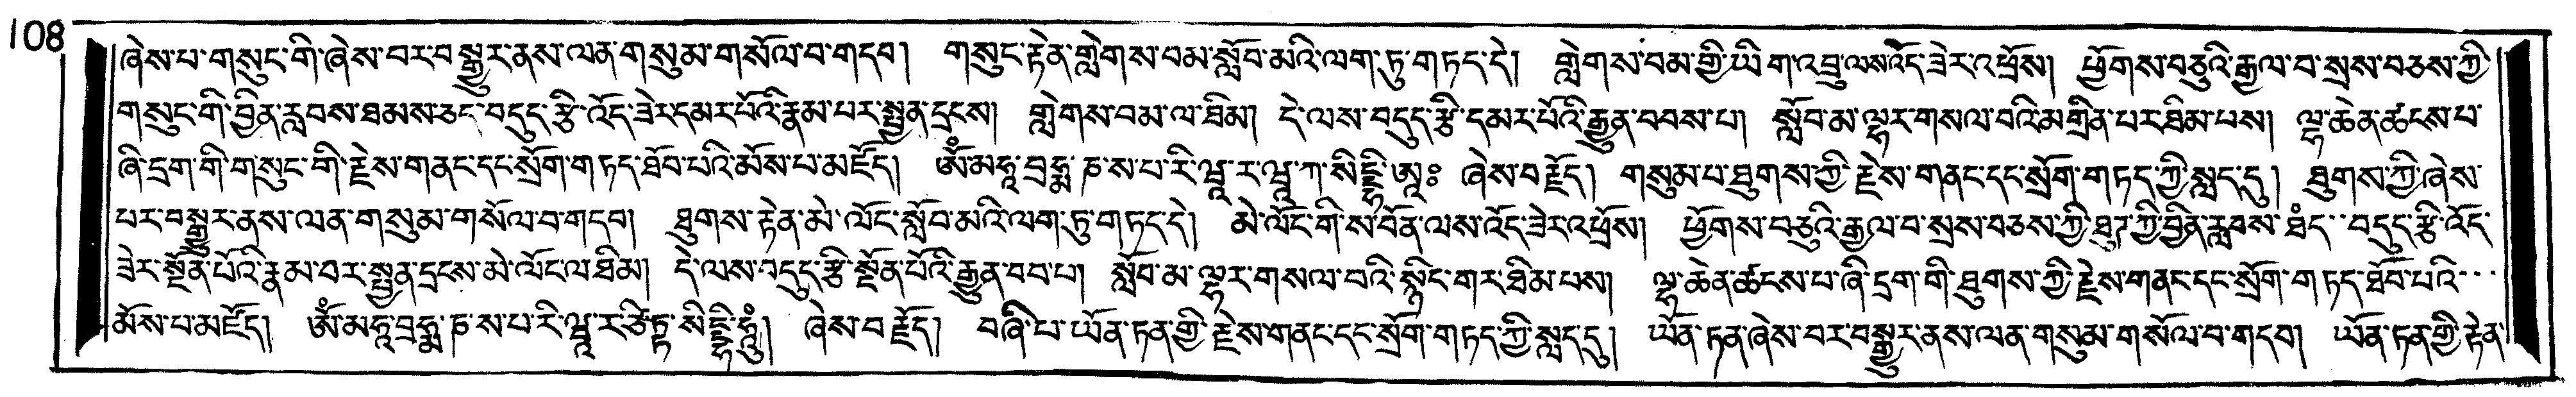ཞེས་པ་གསུང་གི་ཞེས་པར་བསྒྱུར་ནས་ལན་གསུམ་གསོལ་བ་གདབ། གསུང་རྟེན་གླེགས་བམ་སློབ་མའི་ལག་ཏུ་གཏད་དེ། གླེགས་བམ་གྱི་ཡིག་འབྲུ་ལས་འོད་ཟེར་འཕྲོས་བཅུའི་རྒྱལ་བ་སྲས་བཅས་ཀྱི་
གསུང་གི་བྱིན་རླབས་ཐམས་ཅད་བདུད་རྩི་འོད་ཟེར་དམར་པོའི་རྣམ་པར་སྤྱན་དྲངས། གླེགས་བམ་ལ་ཐིམ། དེ་ལས་བདུད་རྩི་དམར་པོའི་རྒྱུན་བབས་པ། སློབ་མ་ལྷར་གསལ་བའི་མགྲིན་པར་ཐིམ་པས། ལྷ་ཆེན་ཚངས་པ་
ཞི་དྲག་གི་གསུང་གི་རྗེས་གནང་དངས་སྲོག་གཏད་ཐོབ་པའི་མོས་པ་མཛོད། ཨོཾ་མཧཱ་བྲཧྨ་ཎ་ས་པ་རི་ཝཱ་ར་ཝཱ་ཀ་སིདྡྷི་ཨཱཿ ཞེས་བརྗོད། གསུམ་པ་ཐུགས་ཀྱི་རྗེས་གནང་དང་སྲོག་གཏད་ཀྱི་སླད་དུ། ཐུགས་ཀྱི་ཞེས་
པར་བསྒྱུར་ནས་ལན་གསུམ་གསོལ་བ་གདབ། ཐུགས་རྟེན་མེ་ལོང་སློབ་མའི་ལག་ཏུ་གཏད་དེ། མེ་ལོང་གི་ས་བོན་ལས་འོད་ཟེར་འཕྲོས། ཕྱོགས་བཅུའི་རྒྱལ་བ་སྲས་བཅས་ཀྱི་ཐུགས་ཀྱི་བྱིན་རླབས་ཐམས་ཅད་བདུད་རྩི་འོད་
ཟེར་སྔོན་པོའི་རྣམ་པར་སྤྱན་དྲངས་མེ་ལོང་ལ་ཐིམ། དེ་ལས་བདུད་རྩི་སྔོན་པོའི་རྒྱུན་བབ་པ། སློབ་མ་ལྷར་གསལ་བའི་སྙིང་གར་ཐིམ་པས། ལྷ་ཆེན་ཚངས་པ་ཞི་དྲག་གི་ཐུགས་ཀྱི་རྗེས་གནང་དང་སྲོག་གཏད་ཐོབ་པའི་
མོས་པ་མཛོད། ཨོཾ་མཧཱ་བྲཧྨ་ཎ་ས་པ་རི་ཝཱ་ར་ཙིཏྟ་སིདྡྷི་ཧཱུཾ། ཞེས་བརྗོད། བཞི་པ་ཡོན་ཏན་གྱི་རྗེས་གནང་དང་སྲོག་གཏད་ཀྱི་སླད་དུ། ཡོན་ཏན་ཞེས་པར་བསྒྱུར་ནས་ལན་གསུམ་གསོལ་བ་གདབ། ཡོན་ཏན་གྱི་རྟེན་